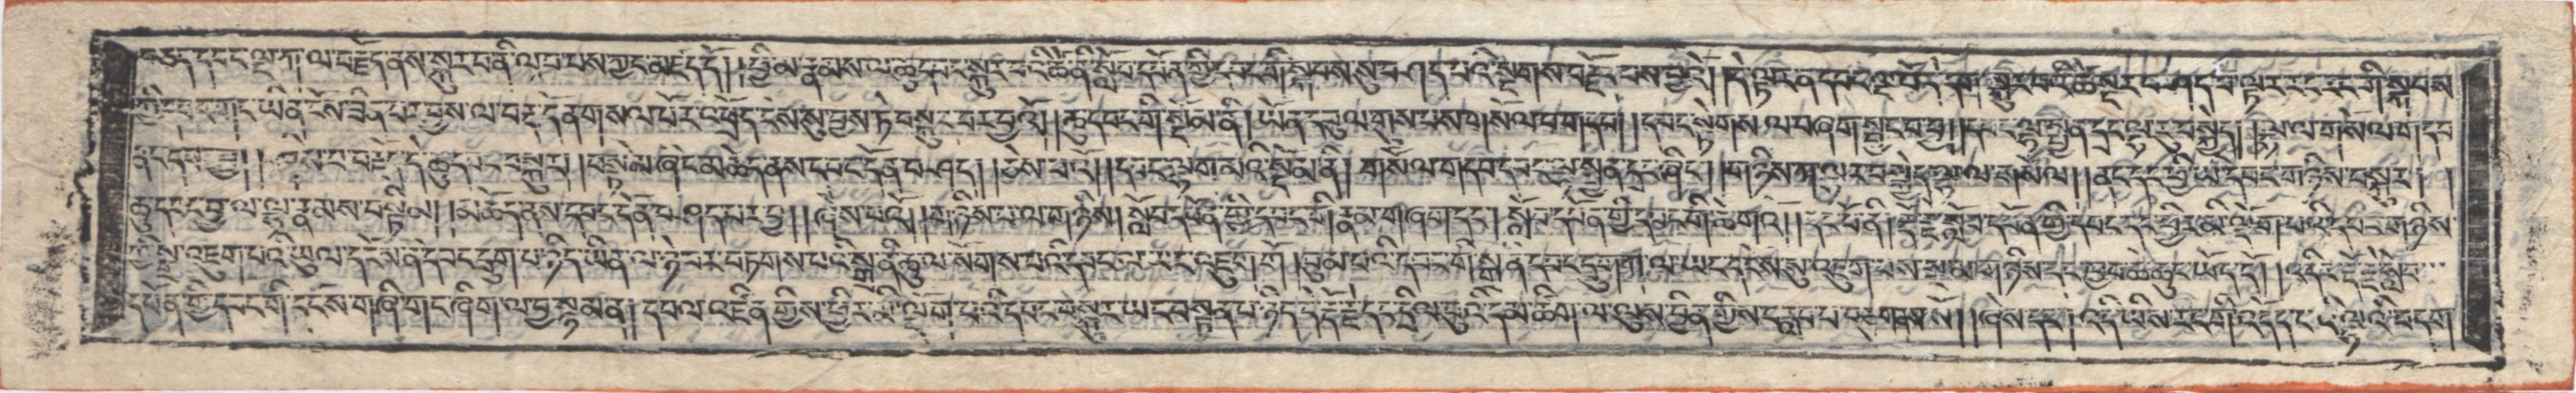བཅད་དབང་ལྔ་ཀ་ལ་བརྗོད་ནས་སྐུར་བ་ནི་ལྭ་བ་པས་ཀྱང་མཛད་དོ། །ཕྱི་མ་རྣམས་ལ་ཆུ་དབང་སྐུར་བའི་ཚེ་ནི་སློབ་དཔོན་གྱི་དབང་གི་སྐབས་སུ་བཤད་པའི་སྔགས་བརྗོད་པས་བྱའོ། །དེ་ལྟར་ན་དབང་ལྔ་པོ་དེ་དག་སྐུར་བའི་ཚེ་སྔར་བཤད་པ་ལྟར་རང་རང་གི་སྐབས་
ཀྱི་དབང་གང་ཡིན་ངོས་ཟིན་པར་བྱས་ལ་བརྡ་དོན་གསལ་པོར་འཕྲོད་ངེས་སུ་བྱས་ཏེ་བསྐུར་བར་བྱའོ། །ཆུ་དབང་གི་སྡོམ་ནི། ཡོན་དབུལ་གུས་པས་གསོལ་བ་གདབ། །དབང་སྟེགས་ལ་བཞག་སྦྱང་བ་བྱ། །དབང་ལྷ་སྤྱན་དྲང་ལྷ་རུ་བསྐྱེད། །ལྷ་ལ་གསོལ་གདབ་
ནང་དཔར་བྱ། །ཤིས་པ་བརྗོད་དེ་ཆུ་དབང་བསྐུར། །བསྟིམ་ཞིང་མཆོད་ནས་དབང་དོན་བཤད། །ཅེས་པའོ། །དབང་ལྷག་མའི་སྡོམ་ནི། གསོལ་གདབ་དབང་ལྷ་སྤྱན་དྲང་ཞིང་། །གཉིས་ཀ་ལྷར་བསྐྱེད་ལྷ་ལ་གསོལ། །ནང་དང་ཕྱི་ཡི་དབང་གཉིས་བསྐུར། །
ཆུ་དང་ང་བྱ་ལ་ལྷ་རྣམས་བསྟིམ། །མཆོད་ནས་དབང་དོན་བཤད་པར་བྱ། །ཞེས་པའོ། །གཉིས་པ་ལ་གཉིས། སློབ་དཔོན་གྱི་དབང་གི་རྣམ་གཞག་དང་། སློབ་དཔོན་གྱི་དབང་གི་ཆོ་གའོ། །དང་པོ་ནི། རྡོ་རྗེ་སློབ་དཔོན་གྱི་དབང་དང་ཕྱིར་མི་ལྡོག་པའི་དབང་གཉིས་
ཀྱི་སྒྲ་འཇུག་པའི་ཡུལ་དངོས་ནི་དབང་དྲུག་པ་ཉིད་ཡིན་ལ་ཉེ་བར་བཏགས་པའི་སྒྲ་ནི་ཆུ་ལ་སོགས་པའི་དབང་ལ་ཡང་འཇུག་གོ །བུམ་པའི་དབང་གི་སྒྲ་ནི་དབང་དྲུག་ཀ་ལ་ཡང་དངོས་སུ་འཇུག་པས་སྔ་མ་གཉིས་དང་ཁྱབ་ཆེ་ཆུང་ཡོད་དོ། །འདིར་རྡོ་རྗེ་སློབ་
དཔོན་གྱི་དབང་གི་དངོས་གཞི་གང་ཞིག་ལ་བྱ་སྙམ་ན། དཔལ་འཛིན་གྱིས་ཕྱིར་མི་ལྡོག་པའི་དབང་བསྐུར་ཡང་བསྟན་པ་ཉིད་དེ་རྡོ་རྗེ་དང་དྲིལ་བུའི་དམ་ཚིག་ལ་ལུས་བྱིན་གྱིས་བརླབ་པ་བཅུ་གནས་སོ། །ཞེས་དང་། འདི་ཡིས་རང་གི་འདོད་པའི་ལྷའི་བདག་